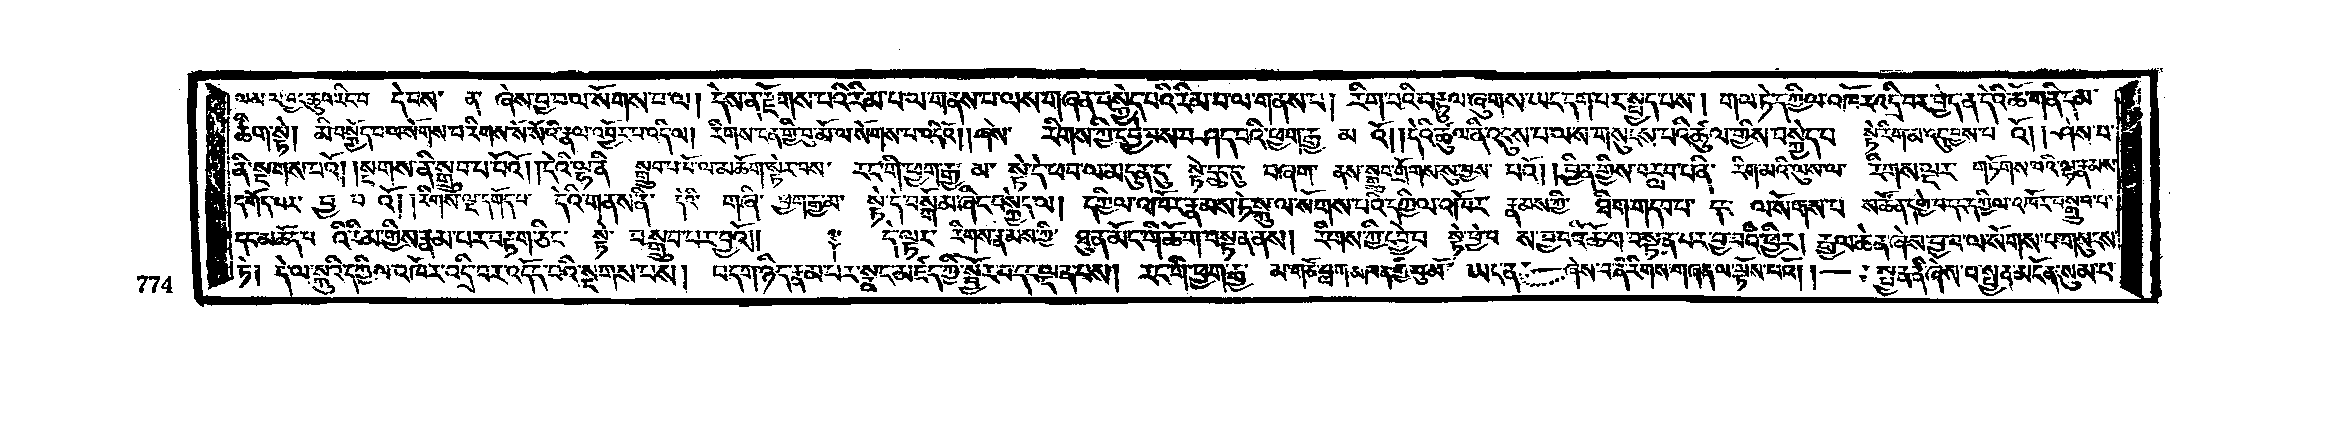ལམ་ལ་བྱང་ཆུབ་རིང་བ་དེ་བས་ན་ཞེས་བྱ་བ་ལ་སོགས་པ་ལ། དེས་ན་རྫོགས་པའི་རིམ་པ་ལ་གནས་པ་ལས་གཞན་བསྐྱེད་པའི་རིམ་པ་ལ་གནས་པ། རིག་པའི་བརྟུལ་ཞུགས་ཡང་དག་པར་སྤྱད་པས། གལ་ཏེ་དཀྱིལ་འཁོར་འདྲི་བར་བྱེད་ན་དེའི་ཆོ་ག་ནི་དམ་
ཚིག་སྟེ། མི་བསྐྱོད་པ་ལ་སོགས་པ་རིགས་སོ་སོའི་རྣལ་འབྱོར་པ་འདི་ལ། རིགས་ངན་གྱི་བུ་མོ་ལ་སོགས་པ་འདིའོ། །ཞས་རིགས་ཀྱི་དབྱེ་བས་བཤད་པའི་ཕྱག་རྒྱ་མའོ། །དེའི་ཚུལ་ནི་འདུས་པ་ལས་གསུངས་པའི་ཚུལ་གྱིས་བསྐྱེད་པ་སྟེ་རིག་མ་འདུ་བྱས་པའོ། །ཤེས་པ་
ནི་སྔགས་པའོ། །སྔགས་ནི་སྒྲུབ་པ་པོའོ། །དེའི་ལྷ་ནི་སྒྲུབ་པ་པོ་ལ་མཆོག་སྟེར་བས་རང་གི་ཕྱག་རྒྱ་མ་སྟེ་དེ་ཕབ་ལ་མདུན་དུ་སྟེ་དྲུང་དུ་བཞག་ནས་སྒྲུབ་གྲོགས་སུ་བྱས་པའོ། །བྱིན་གྱིས་བརླབ་པ་ནི་རིག་མའི་ལུས་ལ་རིགས་ལྔར་གཏོགས་པའི་ལྷ་རྣམས་
དགོད་པར་བྱ་བའོ། །རིགས་ལྔ་དགོད་པ་དེའི་གནས་ནི་དེའི་གཞི་ཕྱག་རྒྱ་མ་སྟེ་དེ་བསྒོམ་ཞིང་བསྐྱེད་ལ། དཀྱིལ་འཁོར་རྣམས་ཏེ་སྐུ་ལ་སོགས་པའི་དཀྱིལ་འཁོར་རྣམས་ཀྱི་ཐིག་གདབ་པ་དང་ལ་སོགས་པས་ཚོན་དགྱེ་བ་དང་དཀྱིལ་འཁོར་བསྒྲུབ་པ་
དང་མཆོད་པའི་རིམ་གྱིས་རྣམ་པར་བརྟག་ཅིང་སྟེ་བསྒྲུབ་པར་བྱའོ།། ༈ དེ་ལྟར་རིགས་རྣམས་ཀྱི་ཐུན་མོང་གི་ཆོ་ག་བསྟན་ནས། རིགས་ཀྱི་དབྱེ་བ་སྟེ་ཕྱེ་བས་བྱ་བའི་ཆོ་ག་བསྟན་པར་བྱ་བའི་ཕྱིར། རྒྱལ་ཆེན་ཞེས་བྱ་བ་ལ་སོགས་པ་གསུངས་
ཏེ། དེ་ལ་སྐུའི་དཀྱིལ་འཁོར་འདྲི་བར་འདོད་པའི་སྔགས་པས། བདག་ཉིད་རྣམ་པར་སྣང་མཛད་ཀྱི་སྦྱོར་བ་དང་ལྡན་པས། རང་གི་ཕྱག་རྒྱ་མ་གཙོ་བླག་མཁན་གྱི་བུ་མོ་ཡང་ནཿ་ཞེས་པ་ནི་རིགས་གཞན་ལ་ལྟོས་པའོ། .H སྤྱན་ནི་ཞེས་པ་སྤྱན་མངོན་སུམ་པ་